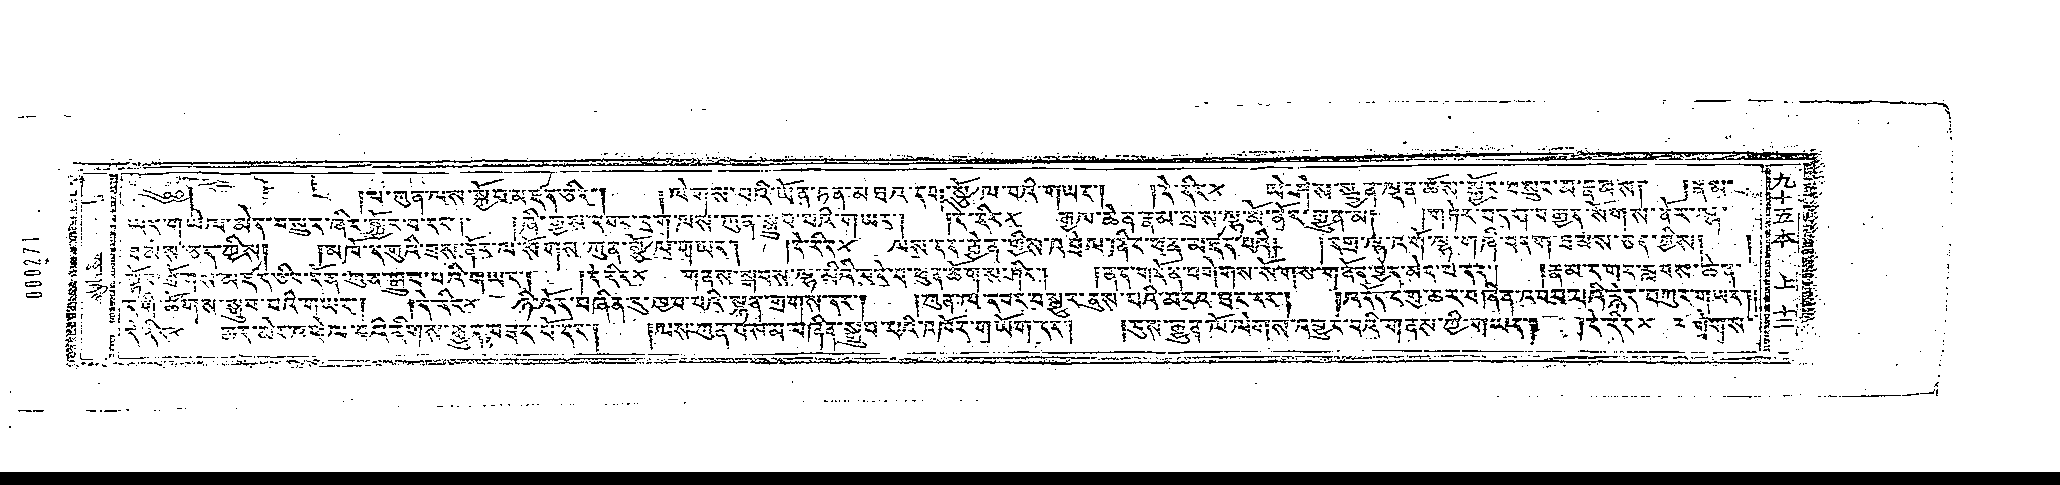༄༅། །པ་ཀུན་ལས་སྐྱོབ་མཛད་ཅིང་། །ལེགས་པའི་ཡོན་ཏན་མཐའ་དག་སྩོལ་བའི་གཡང་། །དེ་རིང་྾་ཡེ་ཤེས་སྤྱན་ལྡན་ཆོས་སྐྱོང་བསྲུང་མ་རྣམས། །ནམ་
ཡང་གཡེལ་མེད་བསྲུང་ཞིང་སྐྱོང་བ་དང་། །ཞི་རྒྱས་དབང་དྲག་ལས་ཀུན་སྒྲུབ་པའི་གཡང་། །དེ་རིང་྾་རྒྱལ་ཆེན་རྣམ་སྲས་ལྷ་མོ་ནོར་རྒྱུན་མ། །གཏེར་བདག་བརྒྱད་སོགས་ནོར་ལྷ་
ཐམས་ཅད་ཀྱིས། །མཁོ་དགུའི་ཟས་ནོར་ལ་སོགས་ཀུན་སྩོལ་གཡང་། །དེ་རིང་྾་ལས་དང་རྐྱེན་གྱིས་འབྲེལ་ཞིང་ཕན་མཛད་པའི། །དགྲ་ལྷ་འགོ་ལྷ་གཞི་བདག་ཐམས་ཅད་ཀྱིས། །
སྟོང་གྲོགས་མཛད་ཅིང་དོན་ཀུན་སྒྲུབ་པའི་གཡང་། །དེ་རིང་྾་གནས་སྐབས་ལྷ་མིའི་བདེ་བ་ཕུན་ཚོགས་ཤིང་། །ནད་གདོན་བགེགས་སོགས་གནོད་བྱེད་མེད་པ་དང་། །རྣམ་དཀར་རླབས་ཆེན་
དགེ་ཚོགས་སྒྲུབ་པའི་གཡང་། །དེ་རིང་྾་ཉི་འོད་བཞིན་དུ་ཁྱབ་བའི་སྙན་གྲགས་དང་། །ཀུན་ལ་དབང་བསྒྱུར་ནུས་བའི་མདའ་ཐང་དང་། །འདོད་དགུ་ཆར་བཞིན་འབབ་བའི་རྙེད་བཀུར་གཡང།།
དེ་རིང་྾་ཚད་མེད་འཕེལ་བའི་རིགས་རྒྱུད་བཟང་པོ་དང་། །ལས་ཀུན་བསམ་བཞིན་སྒྲུབ་པའི་འཁོར་གཡོག་དང་། །དུས་རྒྱུན་ལོ་ལེགས་འབྱུང་པའི་གནས་ཀྱི་གཡང་། །དེ་རིང་྾་བགེགས་